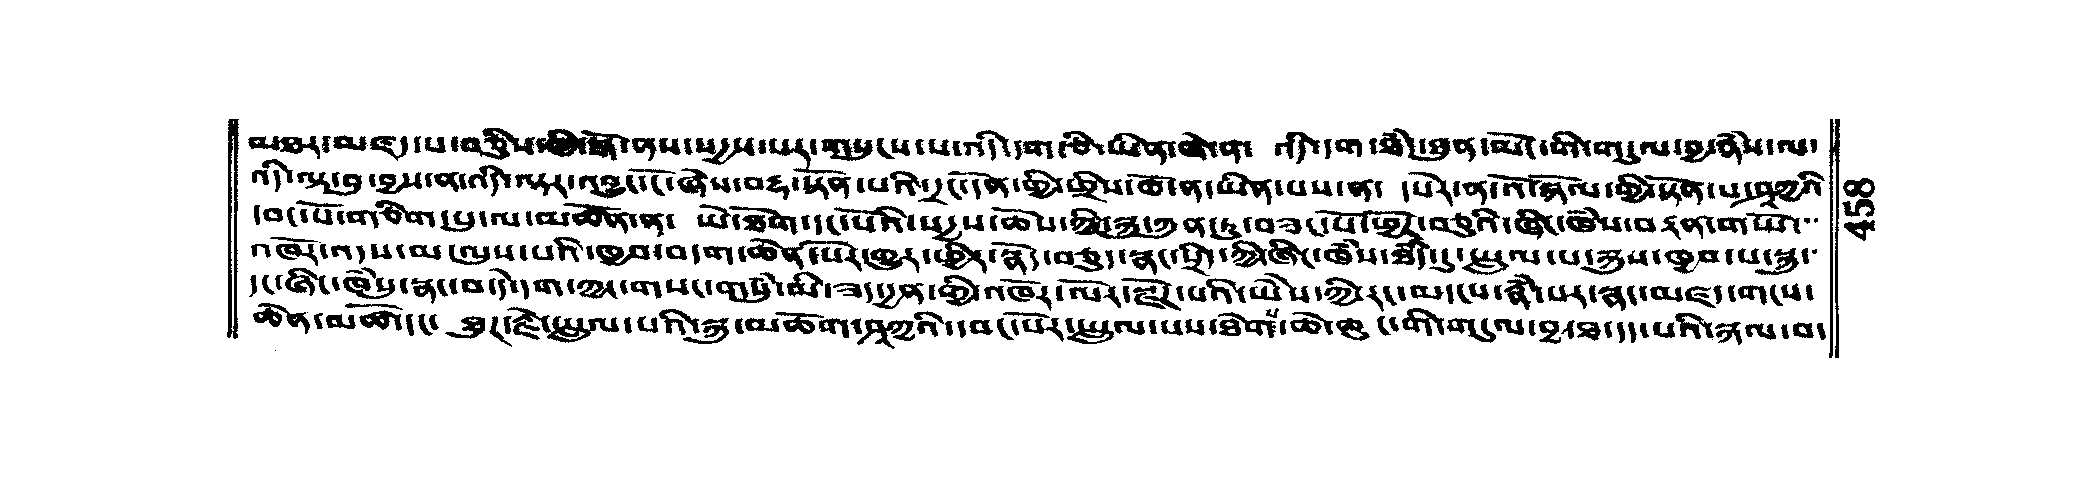མཐར་མཛད་པ་བཅུ་གཉིས་ཀྱི་སྒོ་ནས་སངས་རྒྱས་པར་གསུངས་པ་འདི་དག་ཅི་ཡིན་ཞེ་ན། འདི་དག་ཐམས་ཅད་ཐུན་མོང་གི་གདུལ་བྱ་རྣམས་ལ་
འདི་ལྟ་བུ་བྱས་ན་འདི་ལྟར་འབྱུང་ངོ་ཞེས་བརྡ་སྟོན་པའི་དྲང་དོན་གྱི་ཕྲིན་ལས་ཁོ་ན་ཡིན་པས་ན། དཔེར་ན་འོ་སྐོལ་གྱི་སྟོན་པ་ཤཱཀྱའི་
དབང་པོ་གཅིག་པུ་ལ་མཚོན་ན་ཡེ་ཐོག་དང་པོའི་སངས་རྒྱས་ཆོས་ཀྱི་སྐུ་ཀུན་ཏུ་བཟང་པོ་ཕྱོགས་བཅུའི་ཞིང་ཁམས་བརྟན་གཡོ་
འཁོར་འདས་མ་ལུས་པའི་ཁྱབ་བདག་ཆེན་པོར་གྱུར་ཕྱིར་སྣོད་བཅུད་སྣང་སྲིད་ཀྱི་ཞིང་ཁམས་ཐམས་ཅད་དུ་སྤྲུལ་པ་སྐུས་ཁྱབ་པ་སྐུ་
དང་ཞིང་ཁམས་སུ་སྣང་བ་དེ་དག་ཀྱང་གསང་གསུམ་མི་ཟད་རྒྱན་གྱི་འཁོར་ལོར་རྫོགས་པའི་ཡེ་ཤེས་ཀྱི་རང་མདངས་རྣམ་པར་སྣང་མཛད་གངས་
ཆེན་མཚོ་དང་། ཐུགས་རྗེ་སྤྲུལ་པའི་སྐུ་མཆོག་ཤཱཀྱའི་དབང་པོར་སྤྲུལ་པས་ཐེག་པ་ཆེ་ཆུང་གི་གདུལ་བྱ་ཐ་དད་པའི་སྐལ་བ་